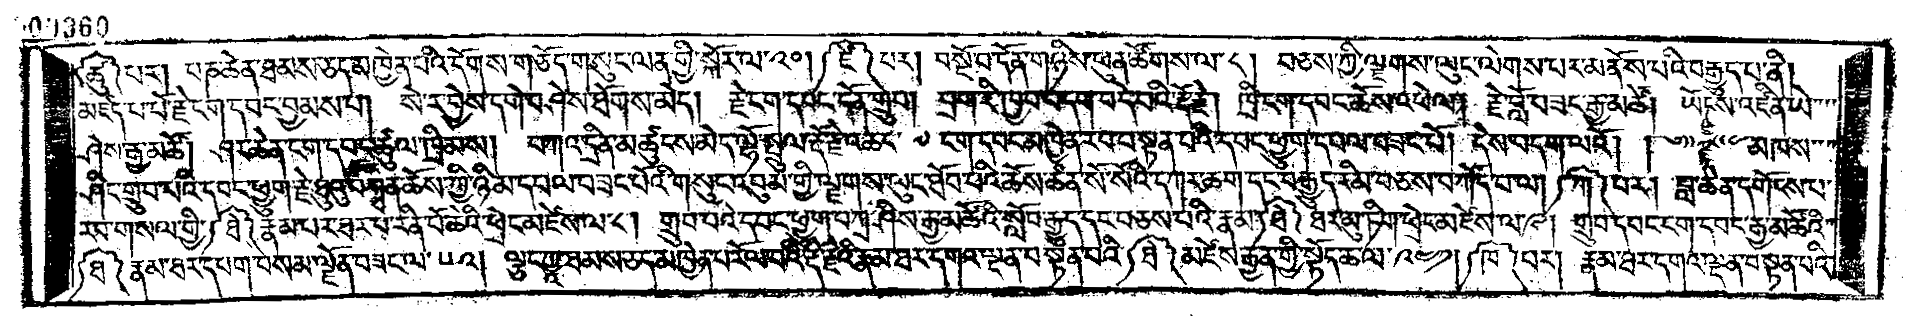༼ཚུ༽ པར། པཎ་ཆེན་ཐམས་ཅད་མཁྱེན་པའི་དོགས་གཅོད་གསུང་ལན་གྱི་སྐོར་ལ ༢༠། ༼ཛ༽ པར། བསྔོ་བ་དོན་གཉིས་ཕུན་ཚོགས་ལ ༨། བཅས་ཀྱི་ལྗགས་ལུང་ལེགས་པར་མནོས་པའི་བརྒྱུད་པ་ནི།
མཛད་པ་པོ་རྗེ་ངག་དབང་བྱམས་པ། སེ་ར་བྱེས་དགེ་བཤེས་ཐོགས་མེད། རྗེ་ངག་དབང་དོན་གྲུབ། བྲག་རི་ཁྱབ་བདག་བདེ་བའི་རྡོ་རྗེ། ཁྲི་ངག་དབང་ཆོས་འཕེལ། རྗེ་བློ་བཟང་རྒྱ་མཚོ། ཡོངས་འཛིན་ཡེ་
ཤེས་རྒྱ་མཚོ། ཤར་ཆེན་ངག་དབང་ཚུལ་ཁྲིམས། བཀའ་དྲིན་མཚུངས་མེད་ལྷོ་སྤྲུལ་རྡོ་རྗེ་འཆང ༧་ངག་དབང་མཁྱེན་རབ་བསྟན་པའི་དབང་ཕྱུག་དཔལ་བཟང་པོ། དེས་བདག་ལའོ། །༈ མཁས་
ཤིང་གྲུབ་པའི་དབང་ཕྱུག་རྗེ་ཐུའུ་བཀྭན་ཆོས་ཀྱི་ཉི་མ་དཔལ་བཟང་པོའི་གསུང་འབུམ་གྱི་ལྗགས་ལུང་ཐོབ་པའི་ཆོས་ཚན་སོ་སོའི་དཀར་ཆག་དང་བརྒྱུད་རིམ་བཅས་བཀོད་པ་ལ། ༼ཀ༽ པར། བླ་ཆེན་དགོངས་པ་
རབ་གསལ་གྱི ༼ཐེ༽ རྣམ་པར་ཐར་པ་རིན་པོ་ཆེའི་ཕྲེང་མཛེས་ལ ༨། གྲུབ་པའི་དབང་ཕྱུག་བཀྲ་ཤིས་རྒྱ་མཚོའི་སློབ་རྒྱུད་དང་བཅས་པའི་རྣམ ༼ཐེ༽ ཐར་མུ་ཏིག་ཕྲེང་མཛེས་ལ ༩། གྲུབ་དབང་ངག་དབང་རྒྱ་མཚོའི་
༼ཐ༽ རྣམ་ཐར་དཔག་བསམ་ལྗོན་བཟང་ལ ༥༢། ལྕང་ཀྱཱ་ཐམས་ཅད་མཁྱེན་པ་རོལ་བའི་རྡོ་རྗེའི་རྣམ་ཐར་དགའ་ལྡན་བསྟན་པའི ༼ཐེ༽ མཛེས་རྒྱན་གྱི་སྟོད་ཆ་ལ ༢༤༡། ༼ཁ༽ པར། རྣམ་ཐར་དགའ་ལྡན་བསྟན་པའི་